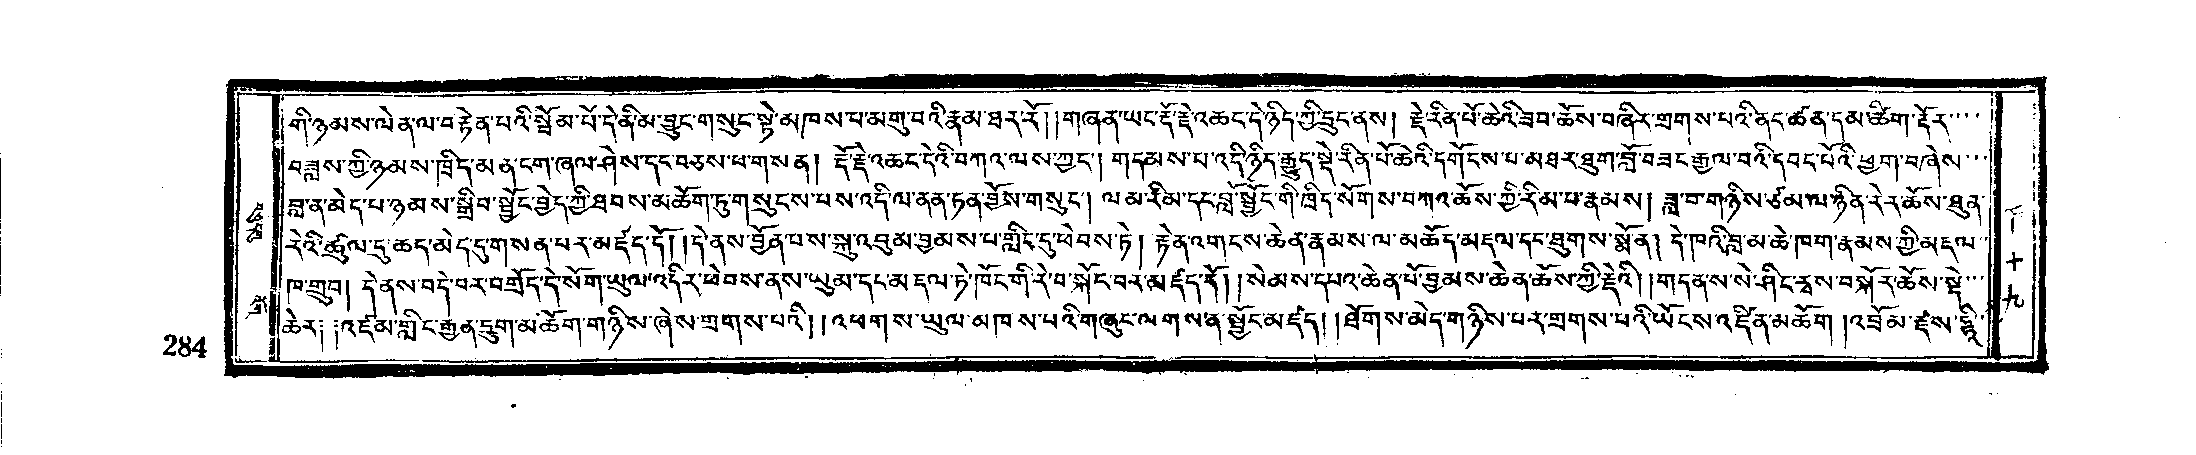གི་ཉམས་ལེན་ལ་བརྟེན་པའི་སྦོམ་པོ་དེ་ནི་མ་བྱུང་གསུང་སྟེ་མཁས་པ་མགུ་བའི་རྣམ་ཐར་རོ། །གཞན་ཡང་རྡོ་རྗེ་འཆང་དེ་ཉིད་ཀྱི་དྲུང་ནས། རྗེ་རིན་པོ་ཆེའི་ཟབ་ཆོས་བཞིར་གྲགས་པའི་ནང་ཚན་དམ་ཚིག་རྡོར་
བཟླས་ཀྱི་ཉམས་ཁྲིད་མན་ངག་ཞལ་ཤེས་དང་བཅས་པ་གསན། རྡོ་རྗེ་འཆང་དེའི་བཀའ་ལས་ཀྱང་། གདམས་པ་འདི་ཉིད་རྒྱུད་སྡེ་རིན་པོ་ཆེའི་དགོངས་པ་མཐར་ཐུག་བློ་བཟང་རྒྱལ་བའི་དབང་པོའི་ཕྱག་བཞེས་
བླ་ན་མེད་པ་ཉམས་སྒྲིབ་སྦྱོང་བྱེད་ཀྱི་ཐབས་མཆོག་ཏུ་གསུངས་པས་འདི་ལ་ནན་ཏན་བྱོས་གསུང་། ལམ་རིམ་དང་བློ་སྦྱོང་གི་ཁྲིད་སོགས་བཀའ་ཆོས་ཀྱི་རིམ་པ་རྣམས། ཟླ་བ་གཉིས་ཙམ་ལ་ཉིན་རེར་ཆོས་ཐུན་
རེའི་ཚུལ་དུ་ཆད་མེད་དུ་གསན་པར་མཛད་དོ། །དེ་ནས་བྱོན་པས་སྐུ་འབུམ་བྱམས་པ་གླིང་དུ་ཕེབས་ཏེ། རྟེན་འགངས་ཆེན་རྣམས་ལ་མཆོད་མཇལ་དང་ཐུགས་སྨོན། དེ་ཁའི་བླ་མ་ཆེ་ཁག་རྣམས་ཀྱི་མཇལ་
ཁ་གྲུབ། དེ་ནས་བདེ་བར་བགྲོད་དེ་སོག་ཡུལ་འདིར་ཕེབས་ནས་ཡུམ་དང་མཇལ་ཏེ་ཁོང་གི་རེ་བ་སྐོང་བར་མཛད་དོ། །སེམས་དཔའ་ཆེན་པོ་བྱམས་ཆེན་ཆོས་ཀྱི་རྗེའི། །གདན་ས་སེ་ཤིང་རྭས་བསྐོར་ཆོས་སྡེ་
ཆེར༑ ༑འཛམ་གླིང་རྒྱན་དྲུག་མཆོག་གཉིས་ཞེས་གྲགས་པའི། །འཕགས་ཡུལ་མཁས་པའི་གཞུང་ལགས་ན་སྦྱོང་མཛད། །ཐོགས་མེད་གཉིས་པར་གྲགས་པའི་ཡོངས་འཛིན་མཆོག །འབྲོམ་རྫས་ཧྟཱི་